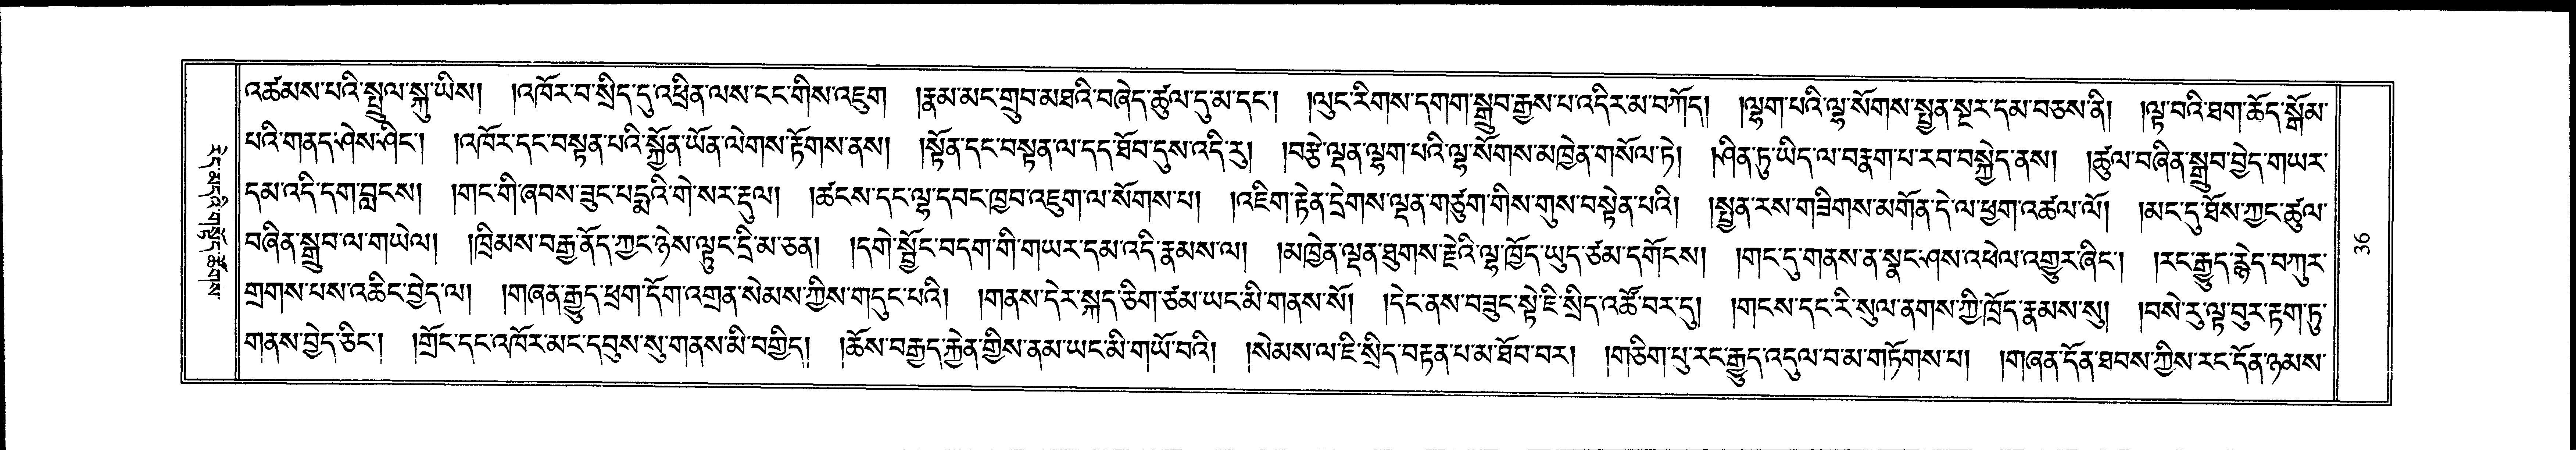འཚམས་པའི་སྤྲུལ་སྐུ་ཡིས། །འཁོར་བ་སྲིད་དུ་འཕྲིན་ལས་ངང་གིས་འཇུག །རྣམ་མང་གྲུབ་མཐའི་བཞེད་ཚུལ་དུ་མ་དང་། །ལུང་རིགས་དགག་སྒྲུབ་རྒྱས་པ་འདིར་མ་བཀོད། །ལྷག་པའི་ལྷ་སོགས་སྤྱན་སྔར་དམ་བཅས་ནི། །ལྟ་བའི་ཐག་ཆོད་སྒོམ་
པའི་གནད་ཤེས་ཤིང་། །འཁོར་དང་བསྟན་པའི་སྐྱོན་ཡོན་ལེགས་རྟོགས་ནས། །སྟོན་དང་བསྟན་ལ་དད་ཐོབ་དུས་འདི་རུ། །བརྩེ་ལྡན་ལྷག་པའི་ལྷ་སོགས་མཁྱེན་གསོལ་ཏེ། །ཤིན་ཏུ་ཡིད་ལ་བརྣག་པ་རབ་བསྐྱེད་ནས། །ཚུལ་བཞིན་སྒྲུབ་བྱེད་གཡར་
དམ་འདི་དག་བླངས། །གང་གི་ཞབས་ཟུང་པདམའི་གེ་སར་རྡུལ། །ཚངས་དང་ལྷ་དབང་ཁྱབ་འཇུག་ལ་སོགས་པ། །འཇིག་རྟེན་དྲེགས་ལྡན་གཙུག་གིས་གུས་བསྟེན་པའི། །སྤྱན་རས་གཟིགས་མགོན་དེ་ལ་ཕྱག་འཚལ་ལོ། །མང་དུ་ཐོས་ཀྱང་ཚུལ་
བཞིན་སྒྲུབ་ལ་གཡེལ། །ཁྲིམས་བརྒྱ་ནོར་ཀྱང་ཉེས་ལྟུང་དྲི་མ་ཅན། །དགེ་སྦྱོང་བདག་གི་གཡར་དམ་འདི་རྣམས་ལ། །མཁྱེན་ལྡན་ཐུགས་རྗེའི་ལྷ་ཁྱོད་ཡུད་ཙམ་དགོངས། །གང་དུ་གནས་ན་སྣང་ཤས་འཕེལ་འགྱུར་ཞིང་། །རང་རྒྱུད་རྙེད་བཀུར་
གྲགས་པས་འཆིང་བྱེད་ལ། །གཞན་རྒྱུད་ཕྲག་དོག་འགྲན་སེམས་ཀྱིས་གདུང་པའི། །གནས་དེར་སྐད་ཅིག་ཙམ་ཡང་མི་གནས་སོ། །དེང་ནས་བཟུང་སྟེ་ཇི་སྲིད་འཚོ་བར་དུ། །གངས་དང་རི་སུལ་ནགས་ཀྱི་ཁྲོད་རྣམས་སུ། །བསེ་རུ་ལྟ་བུར་རྟག་ཏུ་
གནས་བྱེད་ཅིང་། །གྲོང་དང་འཁོར་མང་དབུས་སུ་གནས་མི་བགྱིད། །ཆོས་བརྒྱད་རྐྱེན་གྱིས་ནམ་ཡང་མི་གཡོ་བའི། །སེམས་ལ་ཇི་སྲིད་བརྟན་པ་མ་ཐོབ་པར། །གཅིག་པུ་རང་རྒྱུད་འདུལ་བ་མ་གཏོགས་པ། །གཞན་དོན་ཐབས་ཀྱིས་རང་དོན་ཉམས་